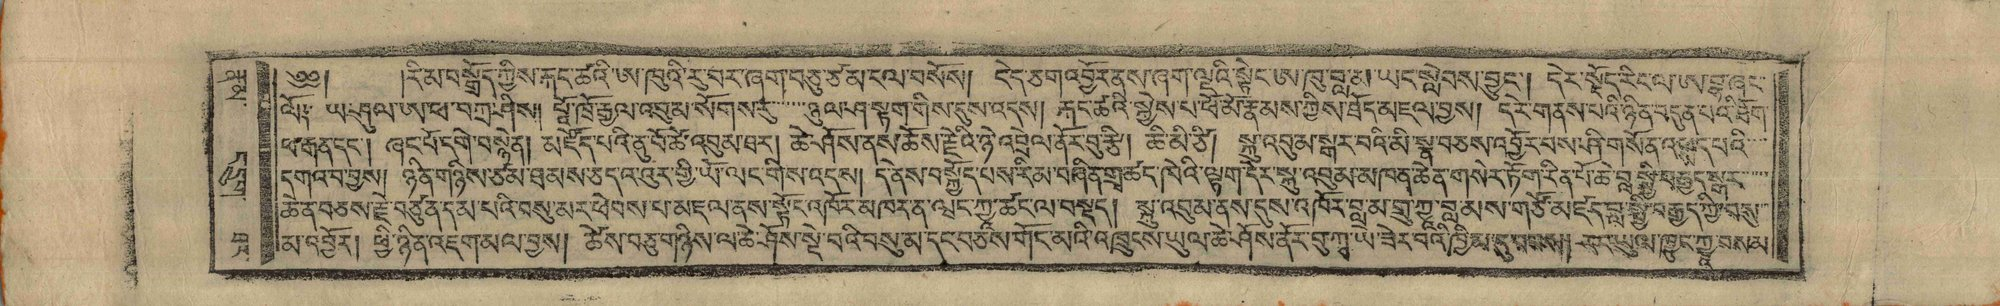༄༅། །རིམ་བསྒྲོད་ཀྱིས་རྐང་ཚའི་ཨ་ཁུའི་རུ་བར་ཞག་བཅུ་ཙམ་ངལ་བསོས། ངེད་ཅག་འབྱོར་ནས་ཞག་ལྔའི་སྟེང་ཨ་ཁུ་བླ་མ་ཡང་སླེབས་བྱུང་། དེར་སྡོད་རིང་ལ་ཨ་བྷ་ཞང་
ལོ༑ ཡ་ཤུལ་ཨ་ཕ་བཀྲ་ཤིས། པO་ཁྲོ་རྒྱལ་འབུམ་སོགས་རུ་ཉུལ་ཤ་སྟག་གིས་དུས་འདས། རྐང་ཚའི་སྐྱེས་པ་ཕོ་མོ་རྣམས་ཀྱིས་ཐོད་མཇལ་བྱས། དེར་གནས་པའི་ཉིན་བདུན་པའི་ཐོག་
ཕ་རྒན་དང་། ཞང་པོ་དགེ་བསྙེན། མཛོད་པའི་ནུ་བོ་ཚེ་འབུམ་ཐར། ཆེ་ཤོས་ནས་ཆོས་རྗེའི་ཉེ་འབྲེལ་ནོར་བུ་རྩི། ཆི་མི་ཙི། སྐུ་འབུམ་སྒར་བའི་མི་སྣ་བཅས་འབྱོར་བས་ཤི་གསོན་འཕྲད་པའི་
དགའ་བ་བྱས། ཉིན་གཉིས་ཙམ་ཐམས་ཅད་འ་འུར་གྱི་ཡོ་ལང་གིས་འདས། དེ་ནས་བསྐྱོད་པས་རིམ་བཞིན་གྲྭ་ཚང་ཁེའི་ལྟག་དེར་སྐུ་འབུམ་མཁན་ཆེན་གསེར་ཏོག་རིན་པོ་ཆེ་བླ་སྤྱི་བརྒྱད་སྒར་
ཆེན་བཅས་རྗེ་བཙུན་དམ་པའི་བསུ་མར་ཕེབས་པ་མཇལ་ནས་སྟོང་འཁོར་མཁར་ན་ཝང་ཀྱཱ་ཚང་ལ་བསྡད། སྐུ་འབུམ་ནས་དུས་འཁོར་བླ་མ་གྲུ་ཀྱཱ་བླ་མས་གཙོ་མཛད་བླ་སྤྱི་བརྒྱད་ཀྱི་བསུ་
མ་འབྱོར། ཕྱི་ཉིན་འཇག་མལ་བྱས། ཚེས་བཅུ་གཉིས་ལ་ཆེ་ཤོས་སྡེ་བའི་བསུ་མ་དང་བཅས་གོང་མའི་འཁྲུངས་ཡུལ་ཆེ་ཤོས་ནོར་བུ་ཀྭ་ཡེ་ཟེར་བའི་ཁྱིམ་དུ་བབས། རང་ཡུལ་ཁྱུང་ཀྱཱ་བསམ་